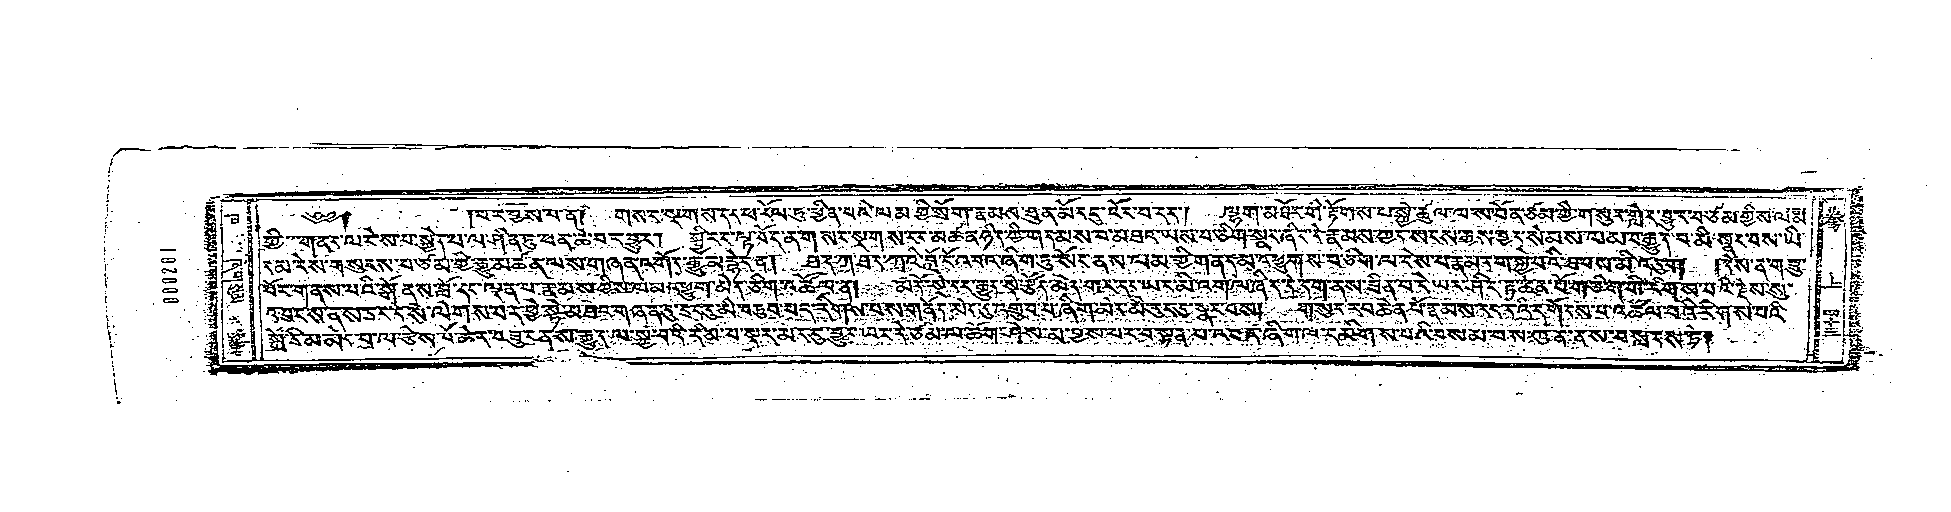༄༅། །པར་བྱས་པ་ན། གསང་སྔགས་དང་ཕ་རོལ་ཏུ་ཕྱིན་པའི་ལམ་གྱི་སྲོག་རྣམས་ཐུན་མོང་དུ་འོང་བ་དང་། ལྷག་མཐོང་གི་རྟོགས་པ་སྐྱེ་ཚུལ་ལ་ས་བོན་ཙམ་གྱི་གསུང་གླེང་བྱུང་བ་ཙམ་གྱིས་ལམ་
གྱི་གནད་ལ་ངེས་པ་སྐྱེད་པ་ལ་ཤིན་ཏུ་ཕན་ཆེ་བར་བྱུང་། སྤྱིར་ད་ལྟ་བོད་ན་གསང་སྔགས་དང་མཚན་ཉིད་ཀྱི་གདམས་པ་མཐའ་ཡས་པ་ཅིག་སྣང་ཞིང་དེ་རྣམས་ཀྱང་སངས་རྒྱས་བྱང་སེམས་ལམ་བརྒྱུད་པ་མི་སྣང་བས་ཡི་
དམ་རེས་གསུངས་པ་ཙམ་གྱི་རྒྱུ་མཚན་ལས་གཞན་འགོད་རྒྱུ་མ་རྙེད་ན། ཐར་ཀ་ཐང་ཀའི་བློ་ངོ་འབའ་ཞིག་ཏུ་སོང་ནས་ལམ་གྱི་གནད་མ་འཕྱུངས་པ་ཅིག་ལ་ངེས་པ་རྣམ་དག་སྐྱེ་བའི་ཐབས་མི་འདུག །དེས་ན་གཟུ་
བོར་གནས་པའི་སྒོ་ནས་བློ་དང་ལྡན་པ་རྣམས་ཀྱིས་ལམ་འཕྱུག་མེད་ཅིག་འཚོལ་ན། མདོ་སྡེ་དང་རྒྱུད་སྡེ་རྩོད་མེད་གང་དང་ཡང་མི་འགལ་ཞིང་དེ་དག་ནས་ཟིན་པ་དེ་ཡང་ཤིང་རྟ་ཆེན་པོ་གཅིག་གི་རིགས་པའི་རྗེས་སུ་
འབྲངས་ནས་དྲང་ངེས་ལེགས་བར་ཕྱེ་སྟེ་མཐའ་གཞན་དུ་དྲང་དུ་མི་བཏུབ་པར་རིགས་པས་གནོད་མེད་དུ་འགྲུབ་པ་ཞིག་མེད་མི་རུང་དུ་སྣང་བས། གསུང་རབ་ཆེན་པོ་རྣམས་དང་དེའི་དགོངས་པ་འཚོལ་བའི་རིགས་པའི་
སྒོ་དྲི་མ་མེད་བ་ལ་རྩིས་པོ་ཆེར་བཟུང་ནས་རྒྱུད་ལ་སྐྱེ་བའི་རིམ་པ་སྔར་མང་དུ་བྱུང་ཡང་དེ་ཙམ་ལ་ཆོག་ཤེས་མ་བྱས་པར་བསྟན་པ་འབའ་ཞིག་ལ་དམིགས་པའི་བསམ་བས་ཀུན་ནས་བསླངས་ཏེ།